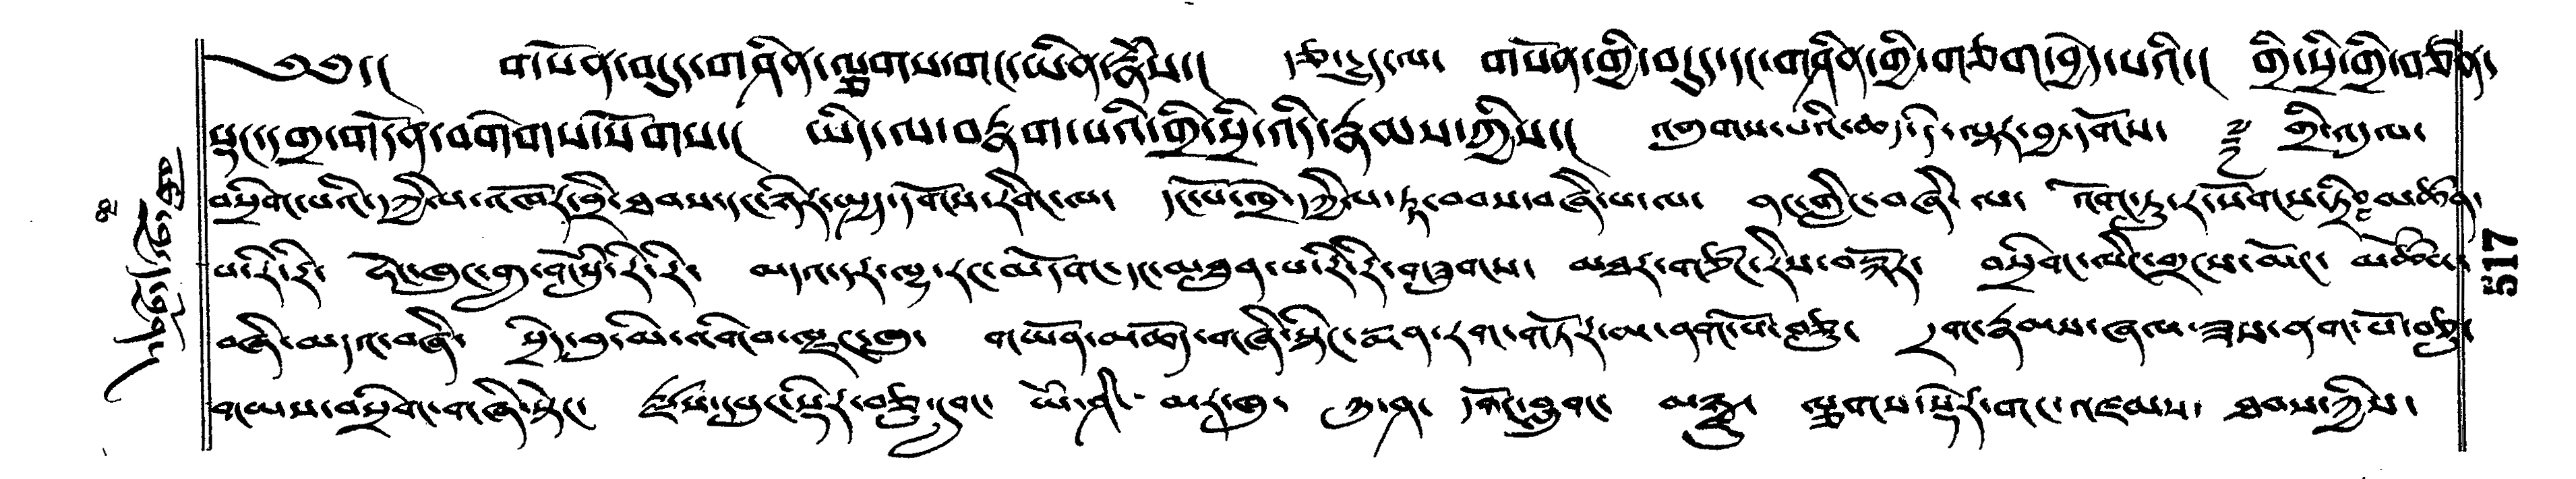།གསོན་བདུད་གཤིན་ལྕགས་གང་ཡིན་རྣམས། རྩ་རྒྱུད་ལ། གསོན་གྱི་བདུད་དང་གཤིན་གྱི་ལྕགས་བྱེད་པའི། །གྲི་སྲི་གྲི་བཙན་
སྡང་དགྲ་གདོན་བགེགས་སོགས། །ཡིད་ལ་བརྣག་པའི་གྲི་སྲི་འདི་རྣམས་ཀྱི། འགུགས་པའི་ཚེ་དེ་ལྟར་བྱ་དགོས། ༈ གྲི་འདུལ་
སྲེག་པའི་དཀྱིལ་འཁོར་བྲི་ཐབས་དང་ཉེར་སྤྱད་དགོས་རིགས་ལ། དང་པོ་ཁྲོ་དཀྱིལ་རྟ་བབས་བཞི་པ་ལ། ནང་གླིང་བཞི་ལ། འོག་ཏུ་ར་སོག་ཏྲིསཿམཚན་
པ་རེ་རེ། ཧོམ་ཁུང་གྲུ་གསུམ་རེ་རེ། མདའ་དར་ལྷ་རང་མདོག་དང་མཐུན་པ་རེ་རེ་འཇུུག མཐར་གཙང་རིས་བསྐོར། བསྲེག་ལིང་གྲངས་མང་། མཚམས་
བཞིར་མདའ་བཞི། སྲད་བུ་མེ་འགེབ་ལྗང་ཁུ། གཡོན་གྱི་མཆོད་གཞིའི་སྟེང་སྨན་རག་གཏོར་མ་ནག་པོ་བཅུ། དྲག་པོ་རྣམས་ལ་ཞལ་ཟས་ནག་པོ་བཅུ། 
གཡས་སུ་བསྲེག་གཞིའི་སྟེང་། རྫས་སྤུངས་སྡེར་བཅུ་དྲུག ཡམ་ཤིང་། མར་ཁུ། ཀུ་ཤ དགང་བླུག མཉྫི། ལྕགས་སྡེར་གང་འཛོམས་ཐབ་ཀྱི་